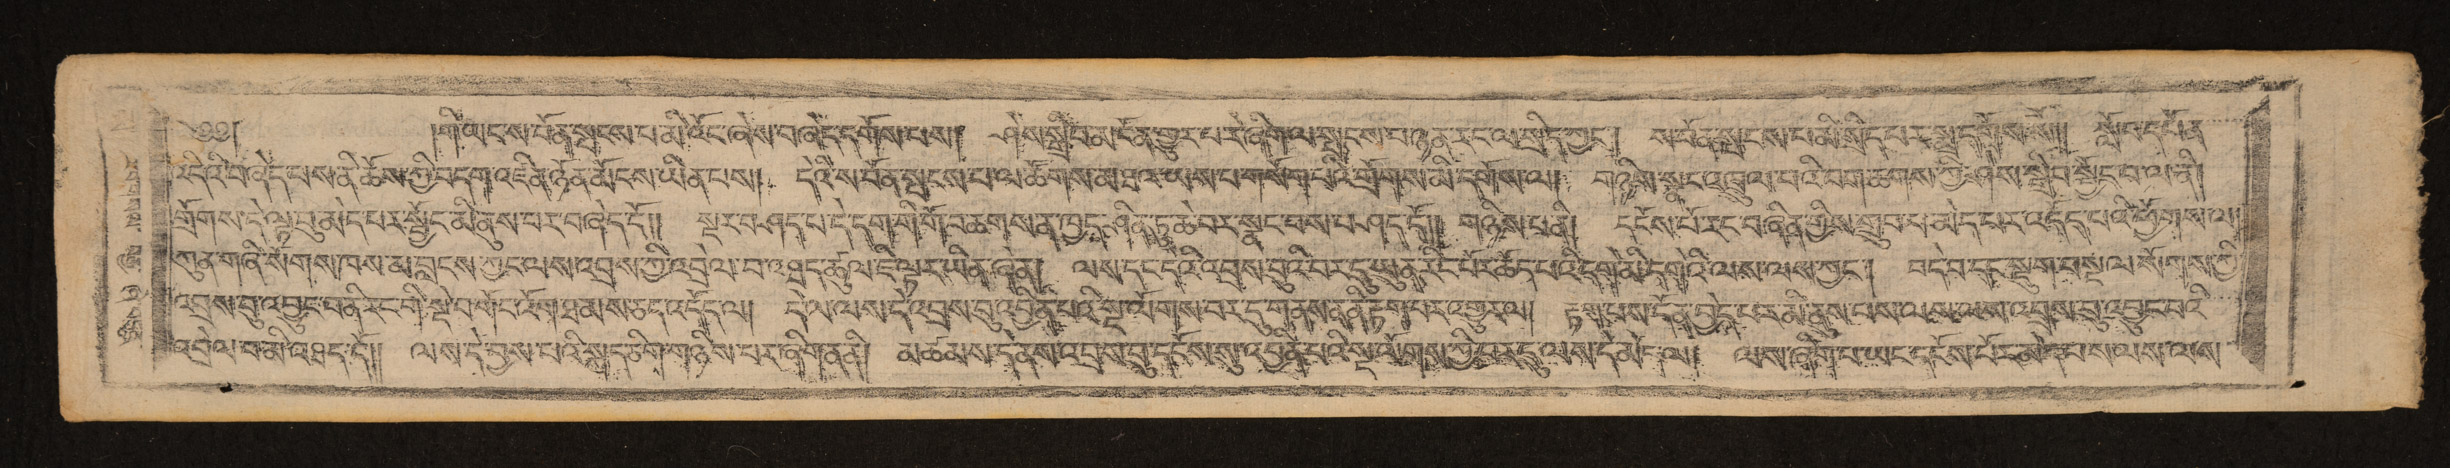༄༅། །གི་ཡང་ས་བོན་སྤངས་པ་མི་འོང་ཞེས་བཞེད་དགོས་པས། ཤེས་སྒྲིབ་མངོན་གྱུར་པ་རེ་ཞིག་ལ་སྤངས་པ་ཉན་རང་ལ་སྲིད་ཀྱང་། ས་བོན་སྤངས་པ་མི་སྲིད་པར་སྨྲ་དགོས་སོ།། སློབ་དཔོན་
འདིའི་བཞེད་པས་ནི་ཆོས་ཀྱི་བདག་འཛིན་ཉོན་མོངས་ཡིན་པས། དེའི་ས་བོན་སྤངས་པ་ལ་ཚོགས་མཐའ་ཡས་པ་གསོག་པའི་གྲོགས་མི་དགོས་ལ། གཉིས་སྣང་འཁྲུལ་བའི་བག་ཆགས་ཀྱི་ཤེས་སྒྲིབ་སྦྱོང་བ་ལ་ནི།
གྲོགས་དེ་ལྟ་བུ་མེད་པར་སྦྱོང་མི་ནུས་པར་བཞེད་དོ།། སྔར་བཤད་པ་དེ་དག་གི་གོ་བ་ཆགས་ན་ཁྱད་ཤིན་ཏུ་ཆེ་བར་སྣང་བས་བཤད་དོ།། གཉིས་པ་ནི། དངོས་པོ་རང་བཞིན་གྱིས་གྲུབ་པ་མེད་པར་འདོད་པའི་ཕྱོགས་ལ།
ཀུན་གཞི་སོགས་ཁས་མ་བླངས་ཀྱང་ལས་འབྲས་ཀྱི་འབྲེལ་བ་འཐད་ཚུལ་ཇི་ལྟར་ཡིན་ཞེ་ན། ལས་དང་དེའི་འབྲས་བུའི་བར་དུ་ཡུན་རིང་པོར་ཆོད་པའི་དགེ་མི་དགེའི་ལས་ལས་ཀྱང་། བདེ་བ་དང་སྡུག་བསྔལ་སོགས་ཀྱི་
འབྲས་བུ་འབྱུང་བ་ནི་རང་གི་སྡེ་པ་གོང་འོག་ཐམས་ཅད་འདོད་ལ། དེ་ལ་ལས་དེ་འབྲས་བུ་འབྱིན་པའི་སྔ་ལོགས་བར་དུ་གནས་ན་ནི་རྟག་པར་འགྱུར་ལ། རྟག་པས་དོན་བྱེད་པར་མི་ནུས་པས་ལས་ལས་འབྲས་བུ་འབྱུང་བའི་
འབྲེལ་བ་མི་འཐད་དོ།། ལས་དེ་བྱས་པའི་སྐད་ཅིག་གཉིས་པར་ཞིག་ན་ནི། མཚམས་དེ་ནས་འབྲས་བུ་དངོས་སུ་འབྱིན་པའི་སྔ་ལོགས་ཀྱི་བར་དུ་ལས་དེ་མེད་ལ། ལས་ཞིག་པ་ཡང་དངོས་པོར་མེད་པས་ལས་ལས་